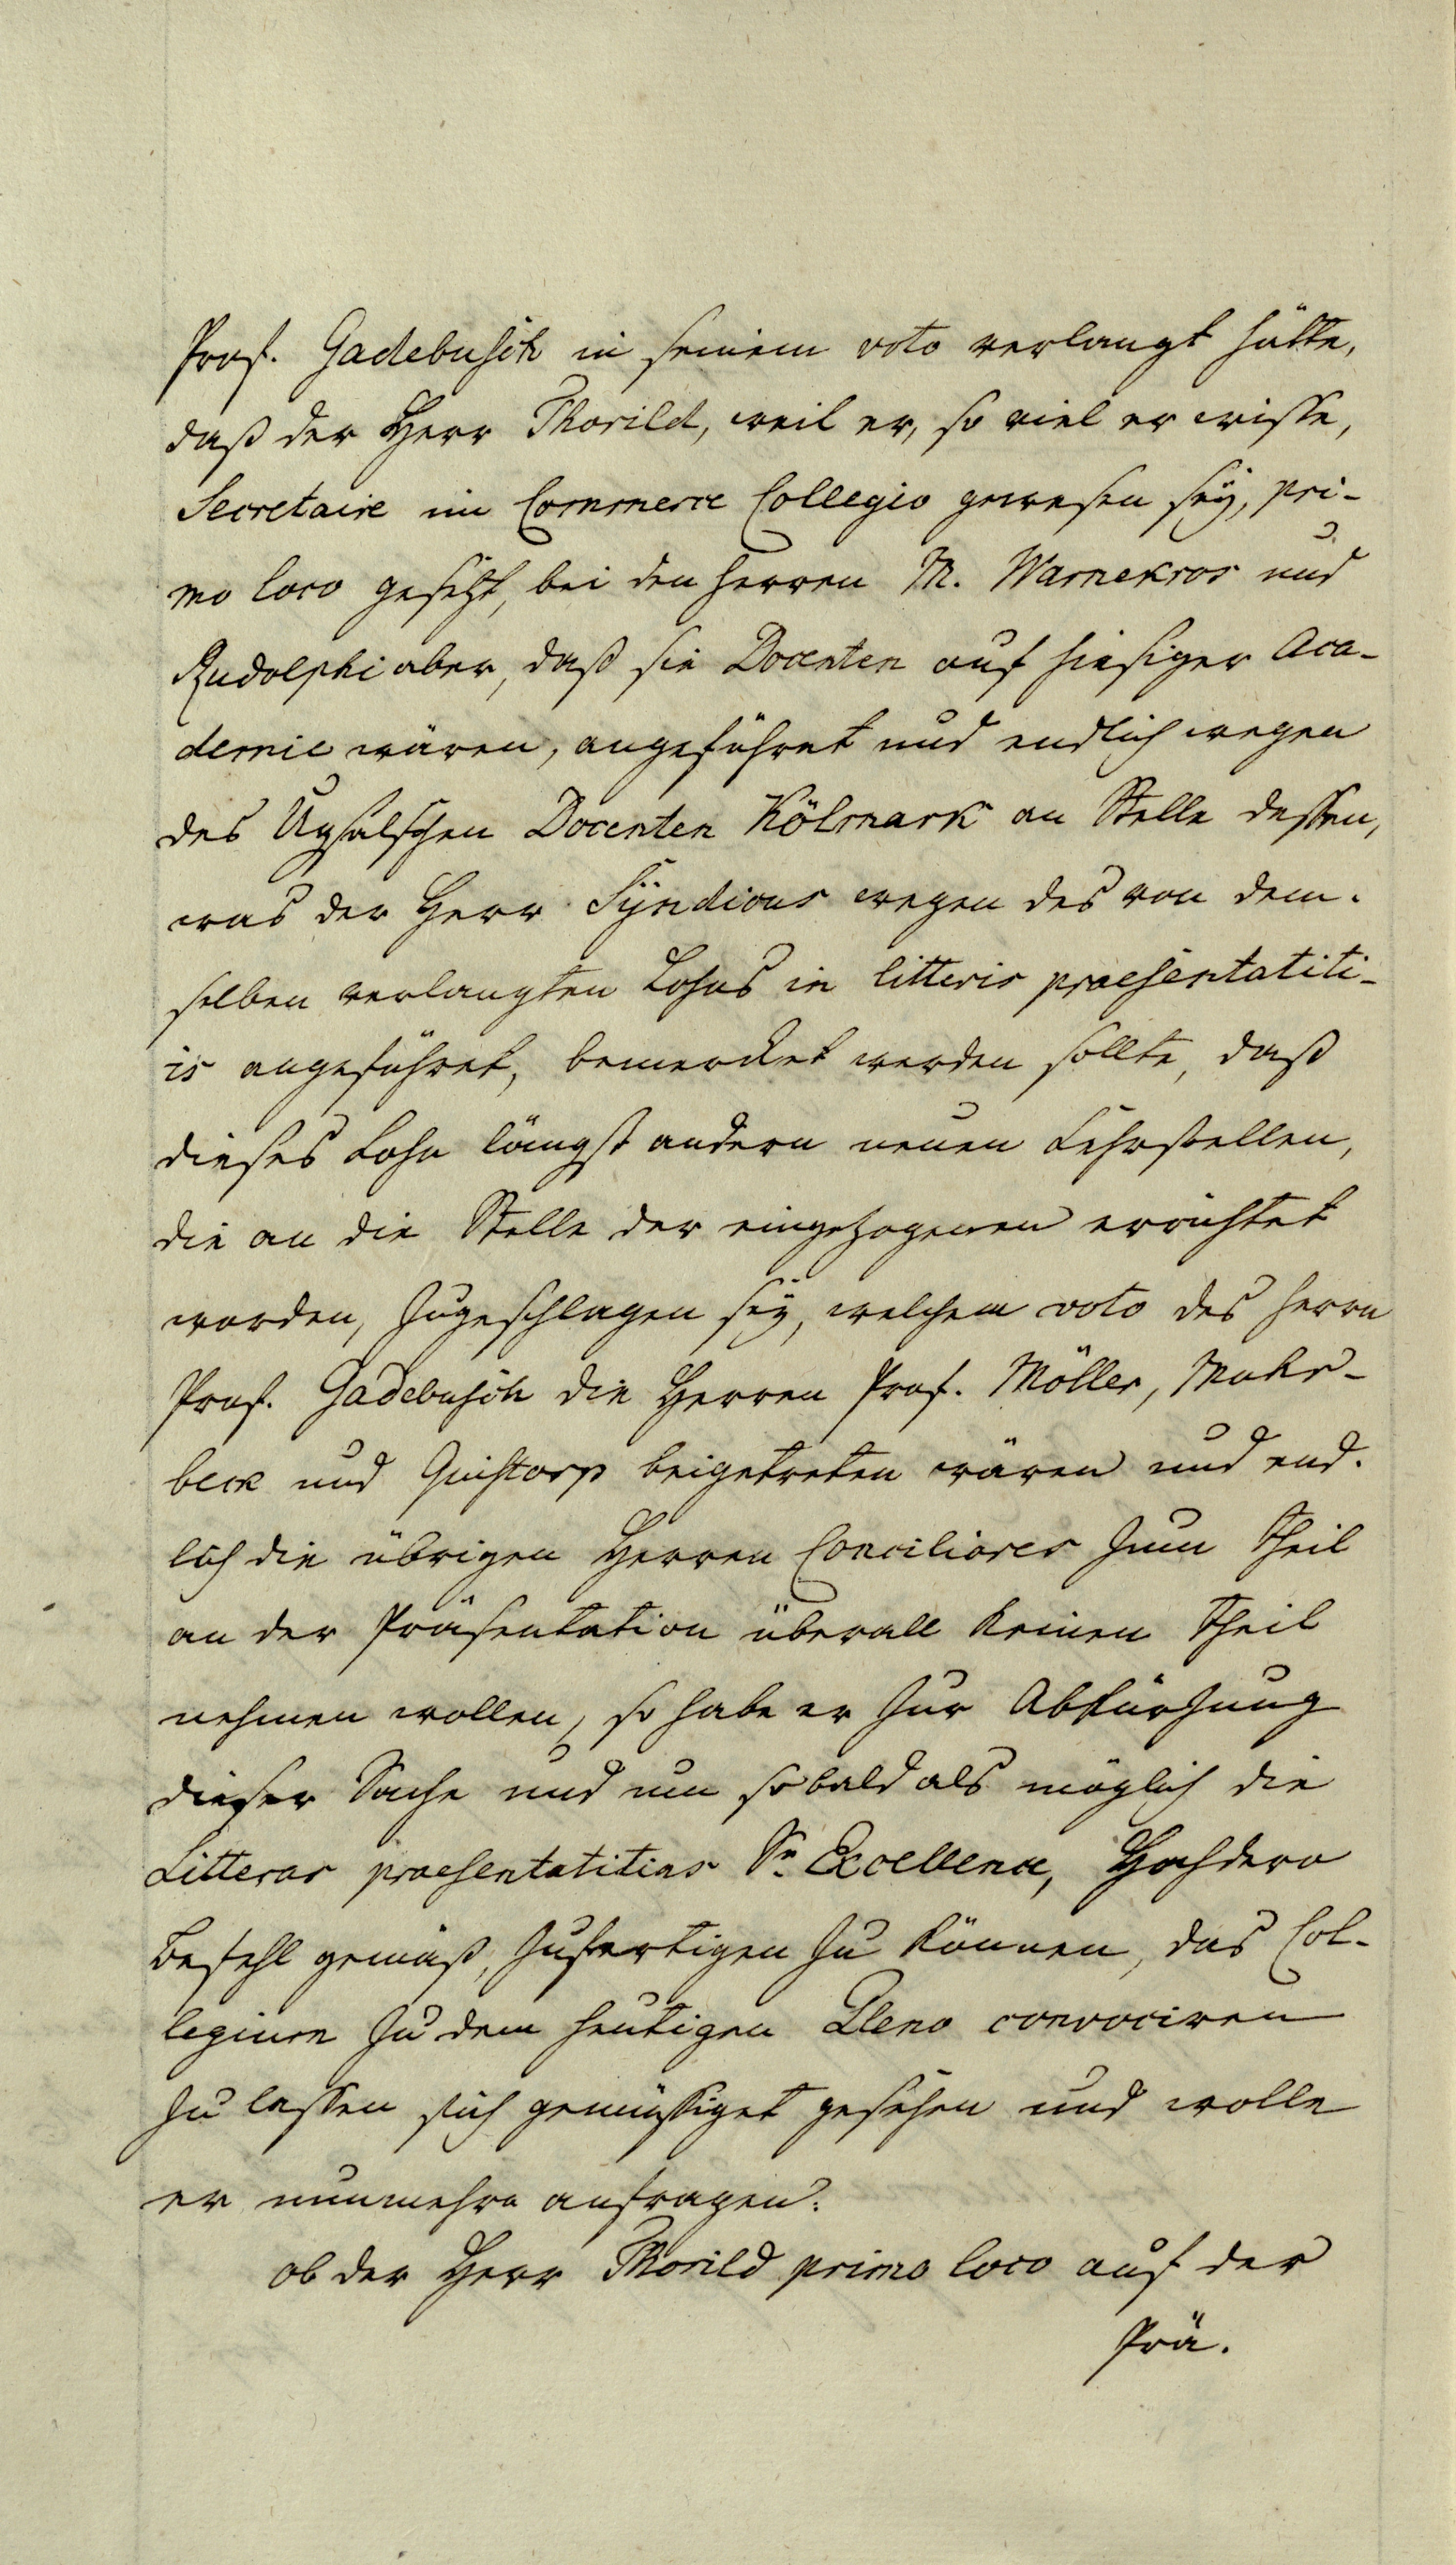Prof. Gadebusch in seinem voto verlangt hätte,
daß der Herr Thorild, weil er, so viel er wisse,
Secretaire im Commerce Collegio gewesen seÿ, pri¬
mo loco gesetzt, bei den Herren M. Warneckros und
Rudolphi aber, daß sie Docenten auf hiesiger Aca¬
demie wären, angeführet und endlich wegen
des Upsalschen Docenten Kölmark an Stelle dessen,
was der Herr Sÿndicus wegen des von dem¬
selben verlangten Lohns in litteris praesentatiti¬
is angeführet, bemercket werden sollte, daß
dieses Lohn längst andern neuen Lehrstellen,
die an die Stelle der eingezogenen errichtet
worden, zugeschlagen seÿ, welchem voto des Herrn
Prof. Gadebusch die Herren Prof. Möller, Muhr¬
beck und Quistorp beigetreten wären und end¬
lich die übrigen Herren Conciliares zum Theil
an der Präsentation überall keinen Theil
nehmen wollen, so habe er zur Abkürzung
dieser Sache und um sobald als möglich die
Litteras praesentatitias Sr. Excellence, Hochdero
Befehl gemäß, zufertigen zu können, das Col¬
legium zu dem heutigen Pleno convociren
zu lassen sich gemüssiget gesehen und wolle
er nunmehro anfragen:
ob der Herr Thorild primo loco auf der
Prä¬